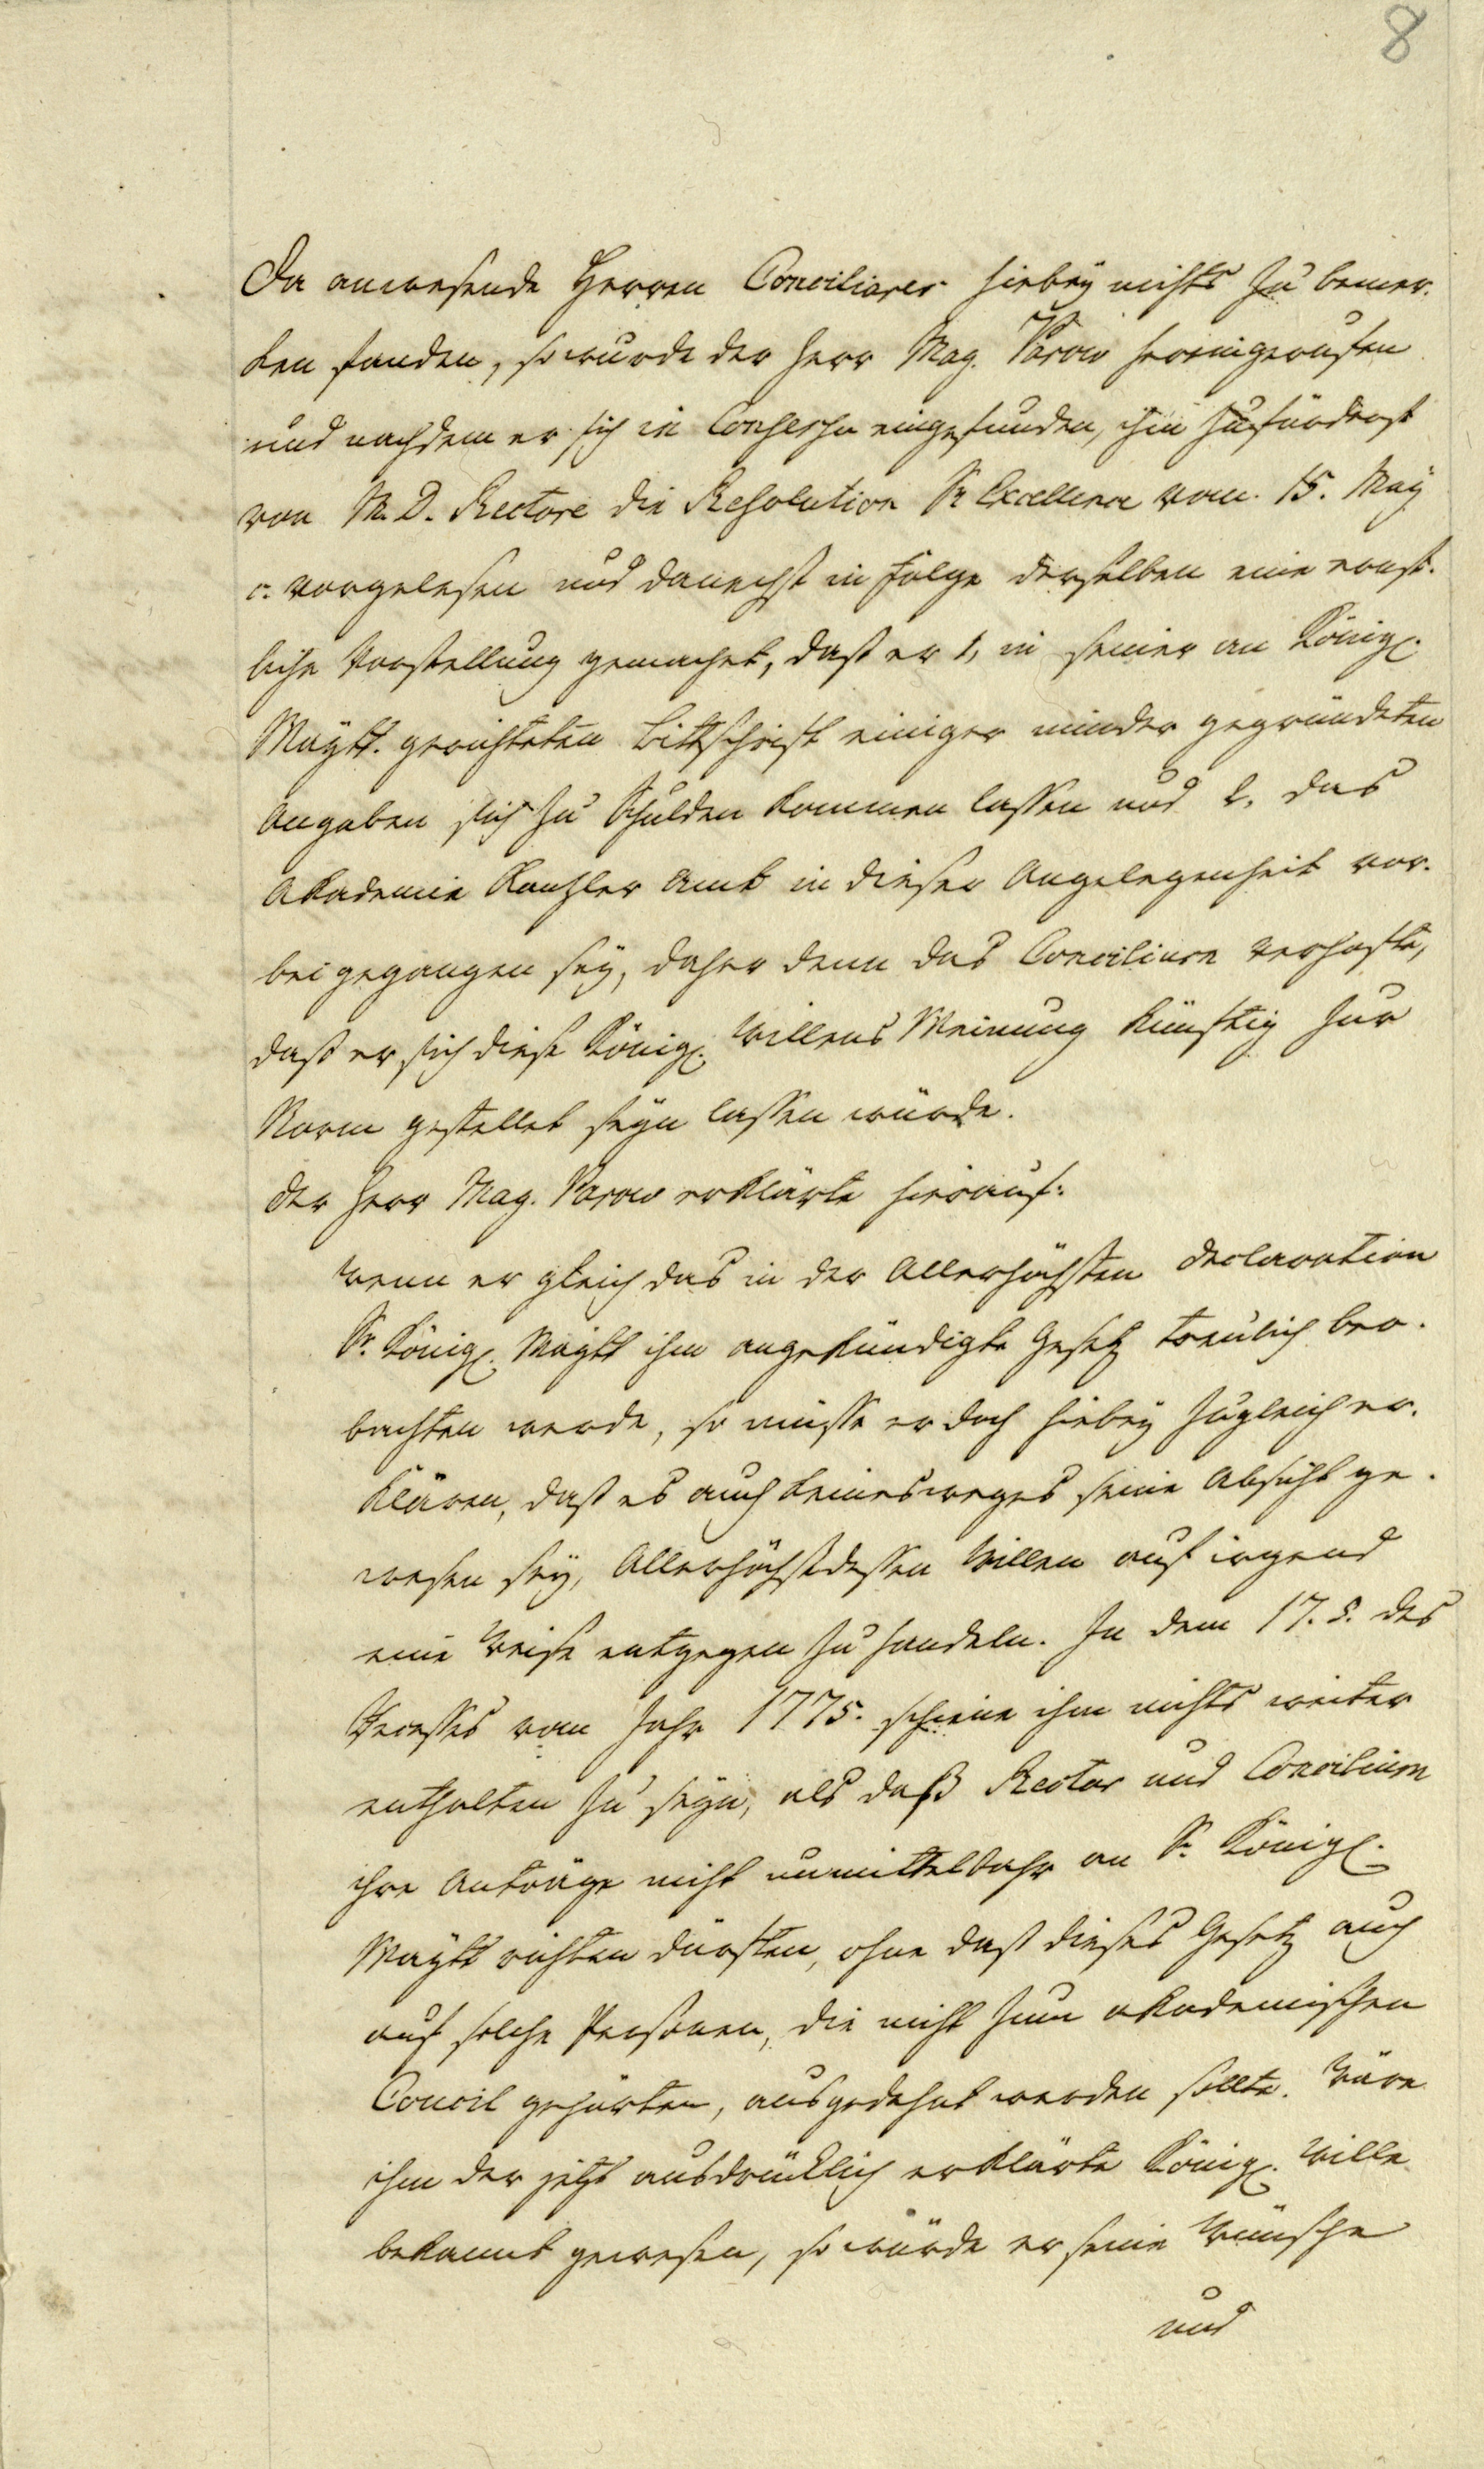Da anwesende Herren Conciliares hiebeÿ nichts zu bemer¬
ken fanden, so wurde der herr Mag. Parow hereingerufen
und nachdem er sich in Consessu eingefunden, ihm zuförderst
von M. D. Rectore die Resolution Sr. Excellence vom 15. Maÿ
c. vorgelesen und danechst in Folge derselben eine ernst¬
liche Vorstellung gemachet, daß er 1, in seiner an Königl.
Maÿtt. gerichteten Bittschrift einiger minder gegründeten
Angaben sich zu Schulden kommen lassen und 2, das
Akademie Kanzler Amt in dieser Angelegenheit vor¬
bei gegangen seÿ, daher das Concilium verhofte,
daß er sich diese Königl. Willens Meinung künftig zur
Norm gestellet seÿn lassen würde.
Der herr Mag. Parow erklärte hierauf:
Wenn er gleich das in der Allerhöchsten declaration
Sr. Königl. Maÿtt. ihm angekündigte Gesetz treulich beo¬
bachten werde, so müsse er doch hiebeÿ zugleich er¬
klären, daß es auch keinesweges seine Absicht ge¬
wesen seÿ, Allerhöchstdessen Willen auf irgend
eine Weise entgegen zu handeln. In dem 17. § des
Recesses vom Jahr 1775. schien ihm nichts weiter
enthalten zu seÿn, als daß Rector und Concilium
ihre Anträge nicht unmittelbahr an Sr. Königl.
Maÿtt. richten dürften, ohne daß dieses Gesetz auch
auf solche Personen, die nicht zum akademischen
Concil gehörten, ausgedehnt werden sollte. Wäre
ihm der jetzt ausdrücklich erklärte Königl. Wille
bekannt gewesen, so würde er seine Wünsche
und